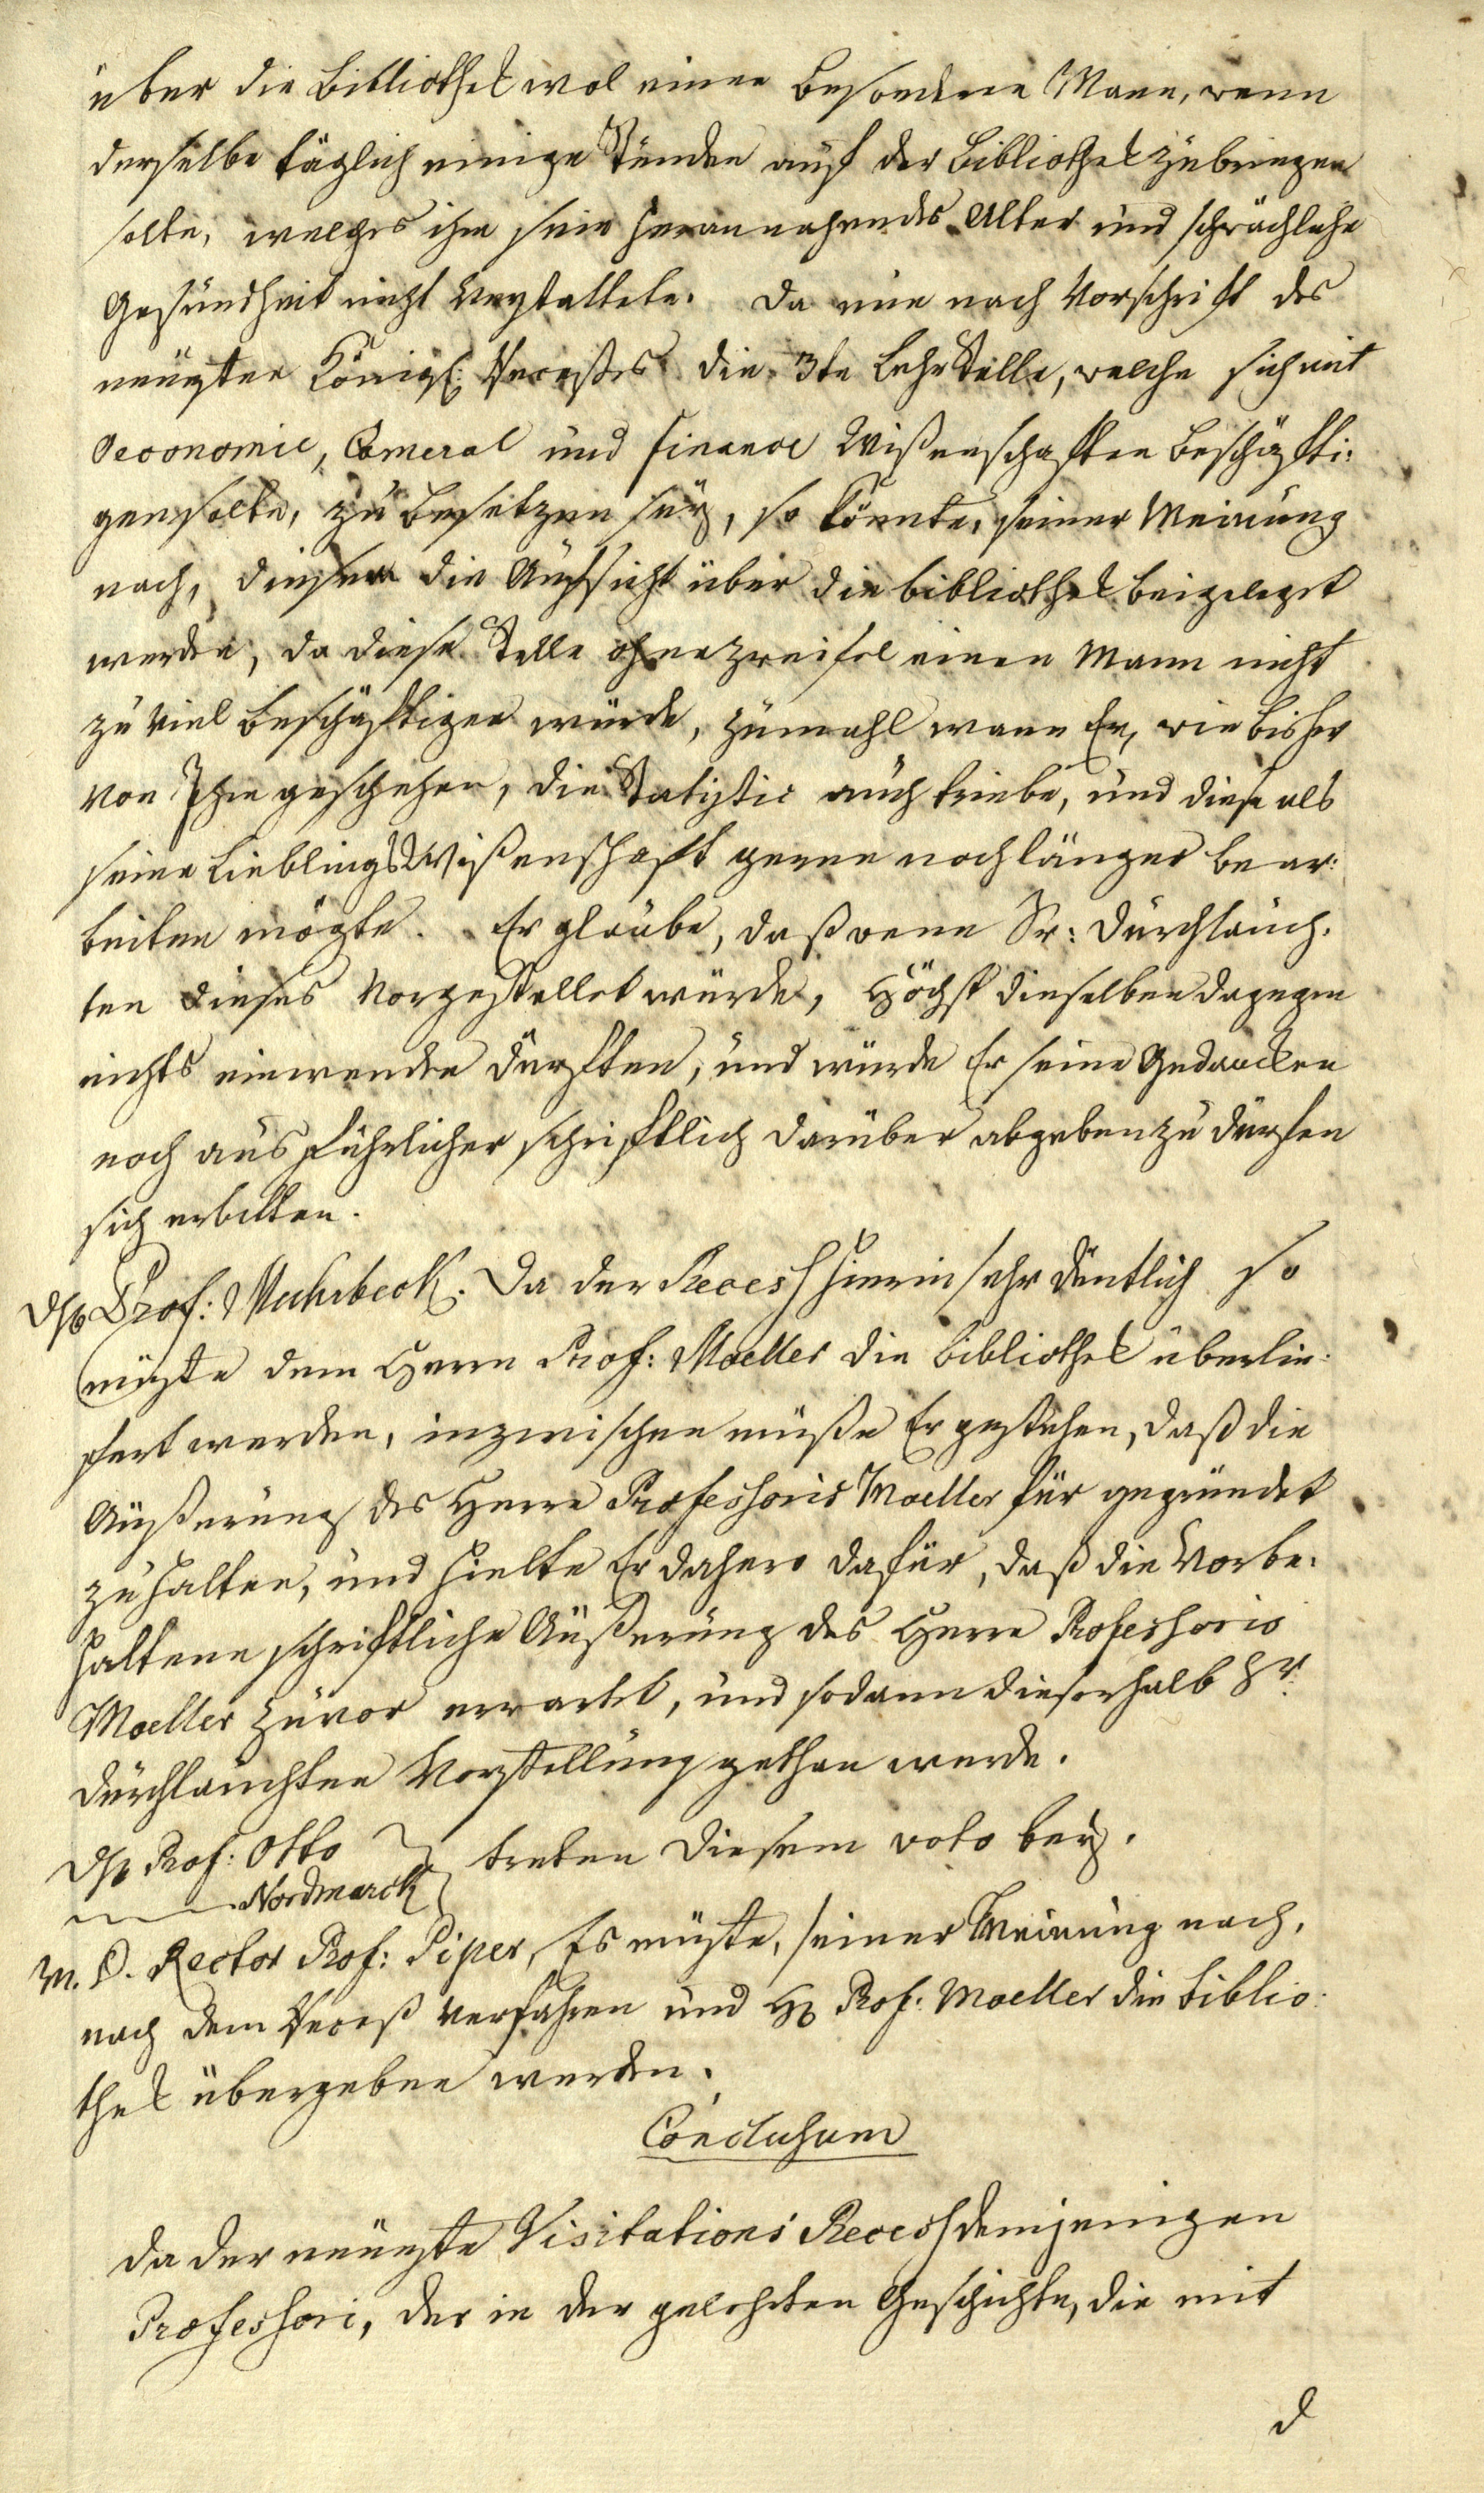über die Bibliothek wol einen besonderen Mann, wenn
derselbe täglich einige Stunden auf der Bibliothek zubringen
solte, welches ihm sein herannahendes Alter und schwächliche
Gesundheit nicht verstattete. Da nun nach Vorschrift des
neuesten Königl. Receßes die 3te LehrStelle, welche sich mit
Oeconomie, Cameral und Finance Wissenschaften beschäfti¬
gen solte, zu besetzen seÿ, so könnte, seiner Meinung
nach, diesem die Aufsicht über die Bibliothek beigeleget
werden, da diese Stelle ohne Zweifel einen Mann nicht
zu viel beschäftigen würde, zumahl wann Er, wie bisher
von Ihm geschehen, die Statistic auch triebe, und diese als
seine Lieblings Wißenschaft gerne noch länger bear¬
beiten mögte. Er glaube, daß wenn Sr Durchlauch¬
ten dieses vorgestellet würde, Höchst dieselben dagegen
nichts einwenden dürften, und würde Er seine Gedancken
noch ausführlicher schriftlich darüber abgeben zu dürfen
sich erbitten.
dh. Prof. Muhrbeck. Da der Recess hierin sehr deutlich so
müste dem Herrn Prof. Moeller die Bibliothek überlie¬
fert werden, inzwischen müße Er gestehen, daß die
Äußerung des Herrn Professoris Moeller für gegründet
zu halten, und hielte Er dahero dafür daß die Vorbe¬
haltene schriftliche Äußerung des Herrn Professoris
Moeller zuvor erwartet, und sodann dieserhalb Sr
Durchlauchten Vorstellung gethan werde.
dh. Prof. Otto treten diesem voto beÿ.
Nordmarck
M. D. Rector Prof. Piper, Es müßte, seiner Meinung nach,
nach dem Receß verfahren und H. Prof. Moeller die Biblio¬
thek übergeben werden.
Conclusum
Da der neueste Visitations Recess demjenigen
Professori, der in der gelehrten Geschichte, die mit
d